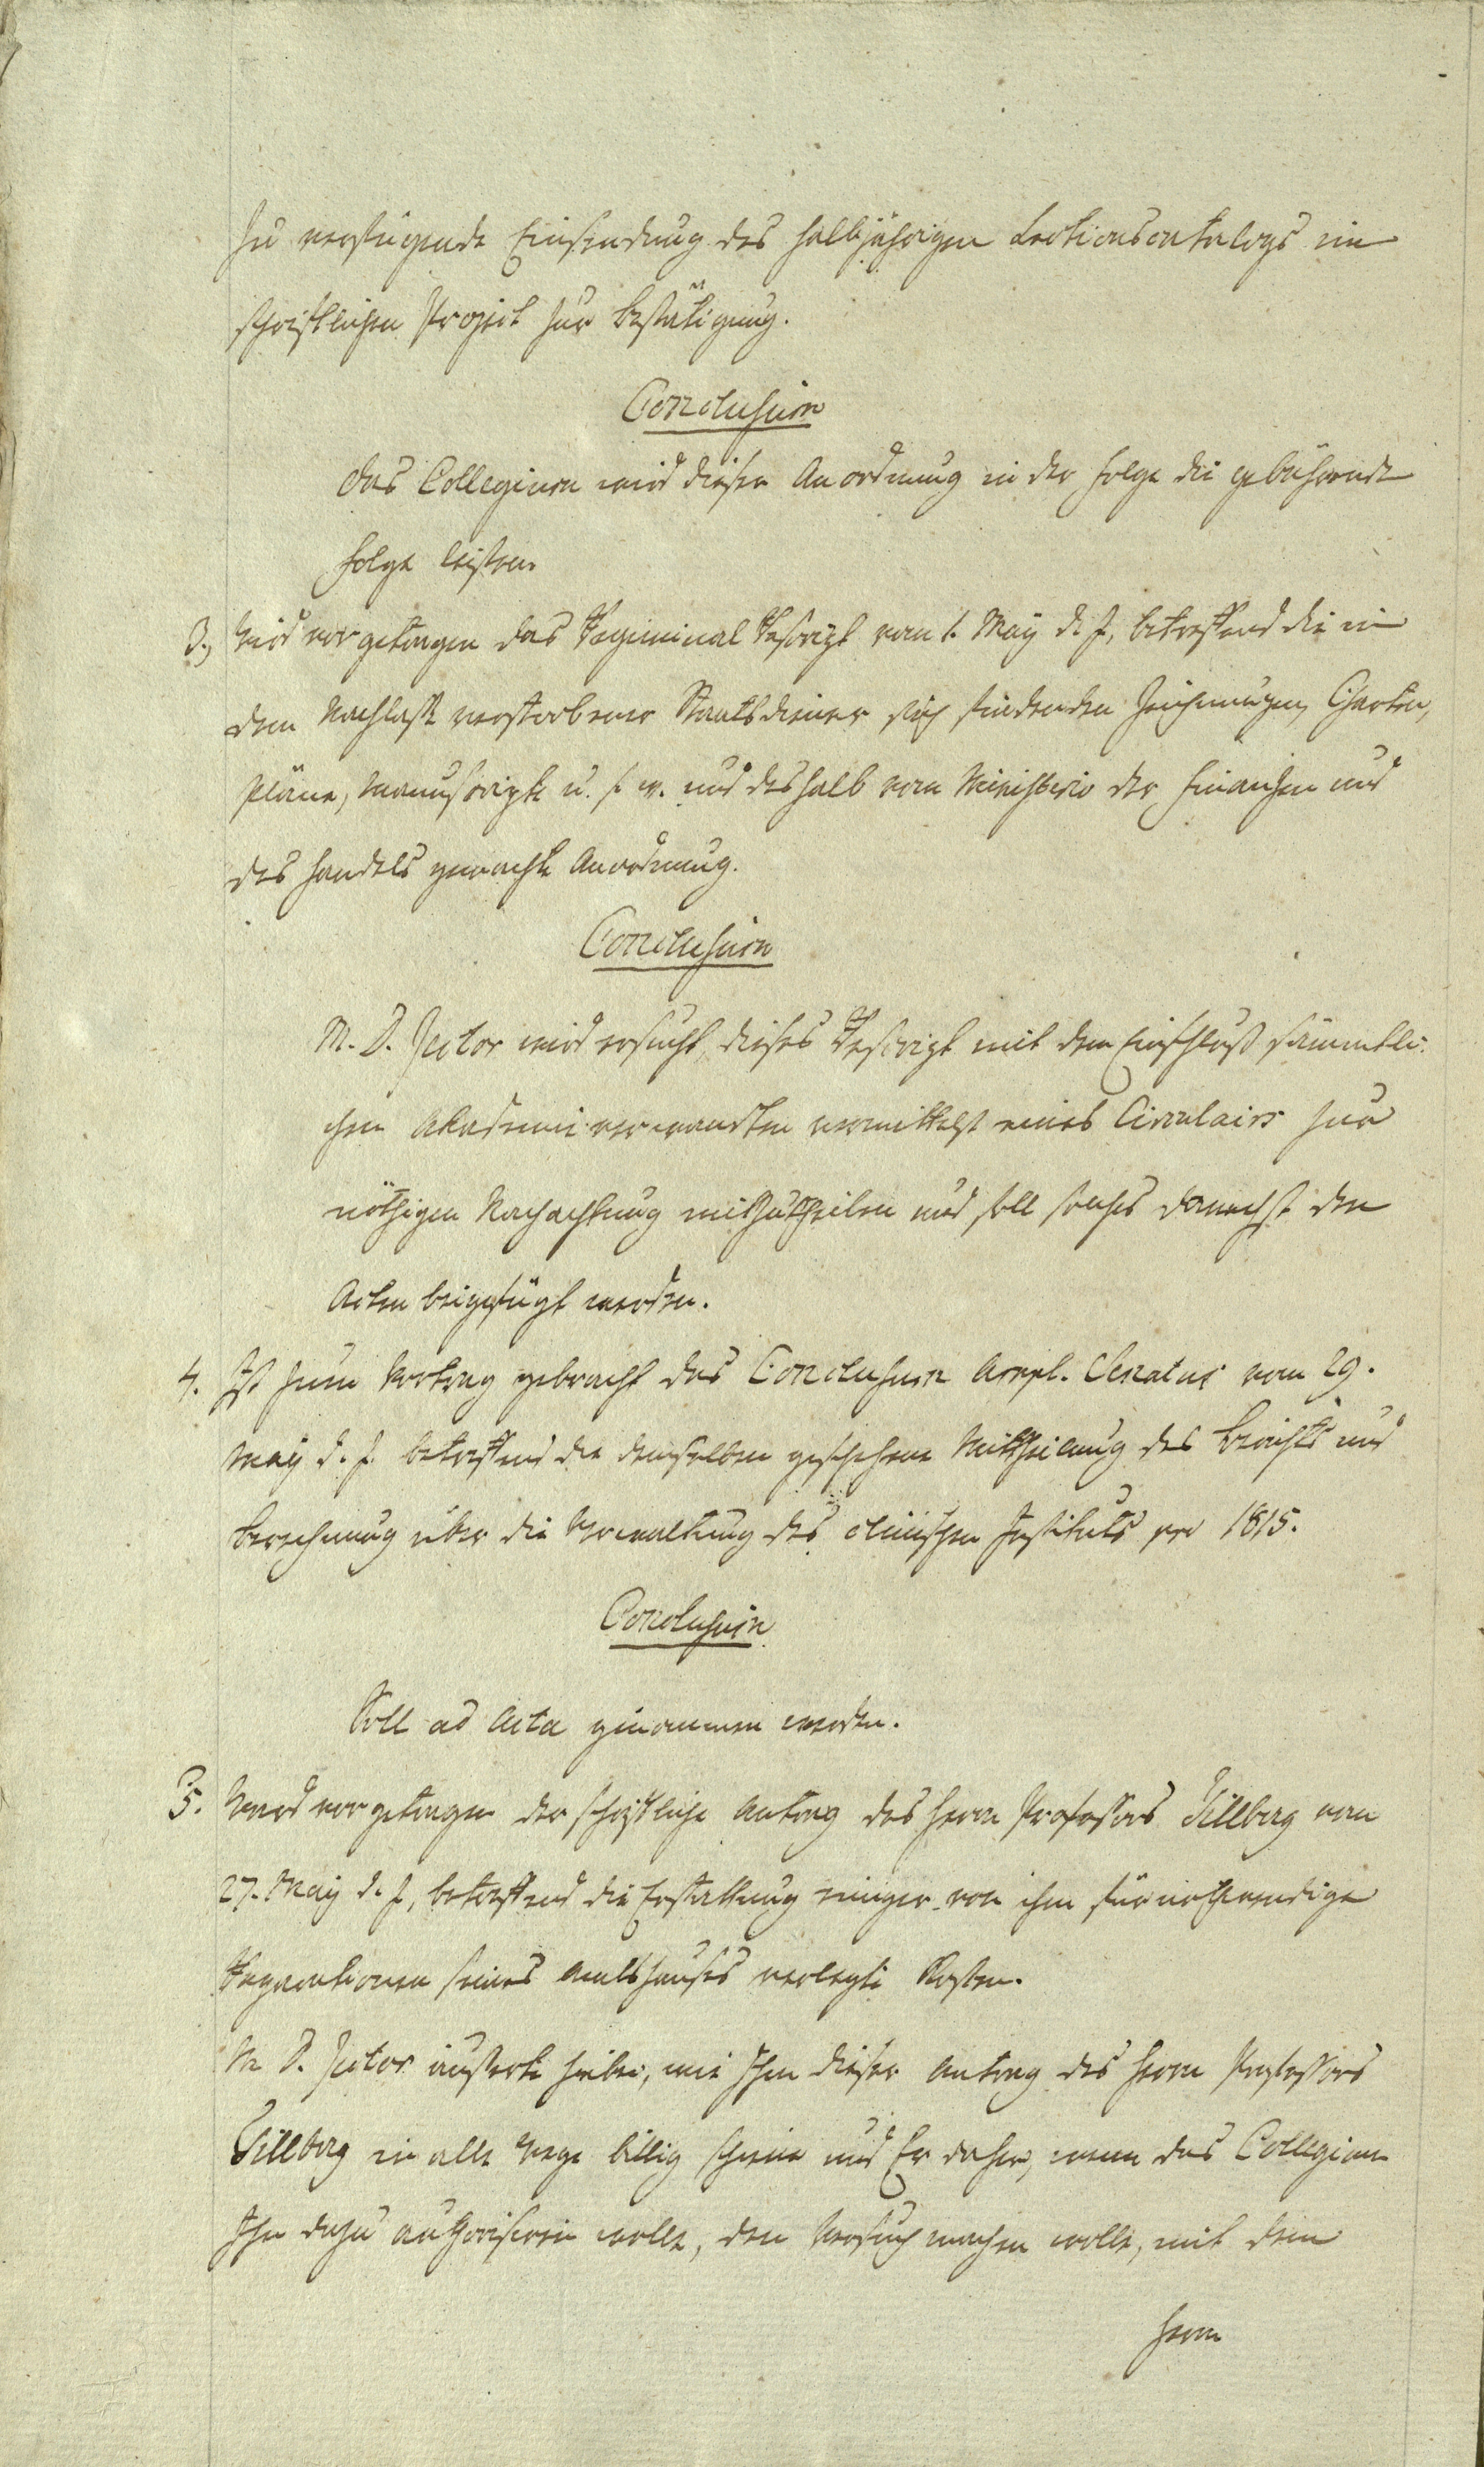zu verfügende Einsendung des halbjährigen Lectionscatalogs im
schriftlichen Project zur Bestätigung.
Conclusum
Das Collegium wird dieser Anordnung in der Folge die gebührende
Folge leisten.
3., Wird vorgetragen das Regiminal Rescript vom 1. Maÿ d. J, betreffend die im
dem Nachlasse verstorbener Staatsdiener sich findenden Zeichnungen, Charten,
Pläne, Manuscripte u.s.w. und deshalb vom Ministerio der Finanzen und
des handels gemachte Anordnung.
Conclusum
M. D. Rector wird ersucht, dieses Rescript mit dem Einschluß sämmtli¬
chen Akademieverwandten vermittelst eines Circulairs zur
nöthigen Nachachtung mitzutheilen und soll solches danechst den
Acten beigefügt werden.
4. Ist zum Vortrag gebracht des Conclusum Ampl. Senatus vom 29.
Maÿ d. J. betreffend die demselben geschehene Mittheilung des Berichts und
Berechnung über die Verwaltung des clinischen Instituts pro 1815.
Conclusum
Soll ad Acta genommen werden.
5. Ward vorgetragen der schriftliche Antrag des Herrn Professors Tillberg vom
27. Maÿ d. J., betreffend die Erstattung einiger von ihm für nothwendige
Reparationen seines Amtshauses verlegte Kosten.
M. D. Rector äußerte hiebei, wie Ihm dieser Antrag des Herrn Professors
Tillberg in alle Wege billig scheine und Er daher, wenn das Collegium
Ihm dazu authorisiren wolle, den Versuch machen wolle, mit dem
Herrn